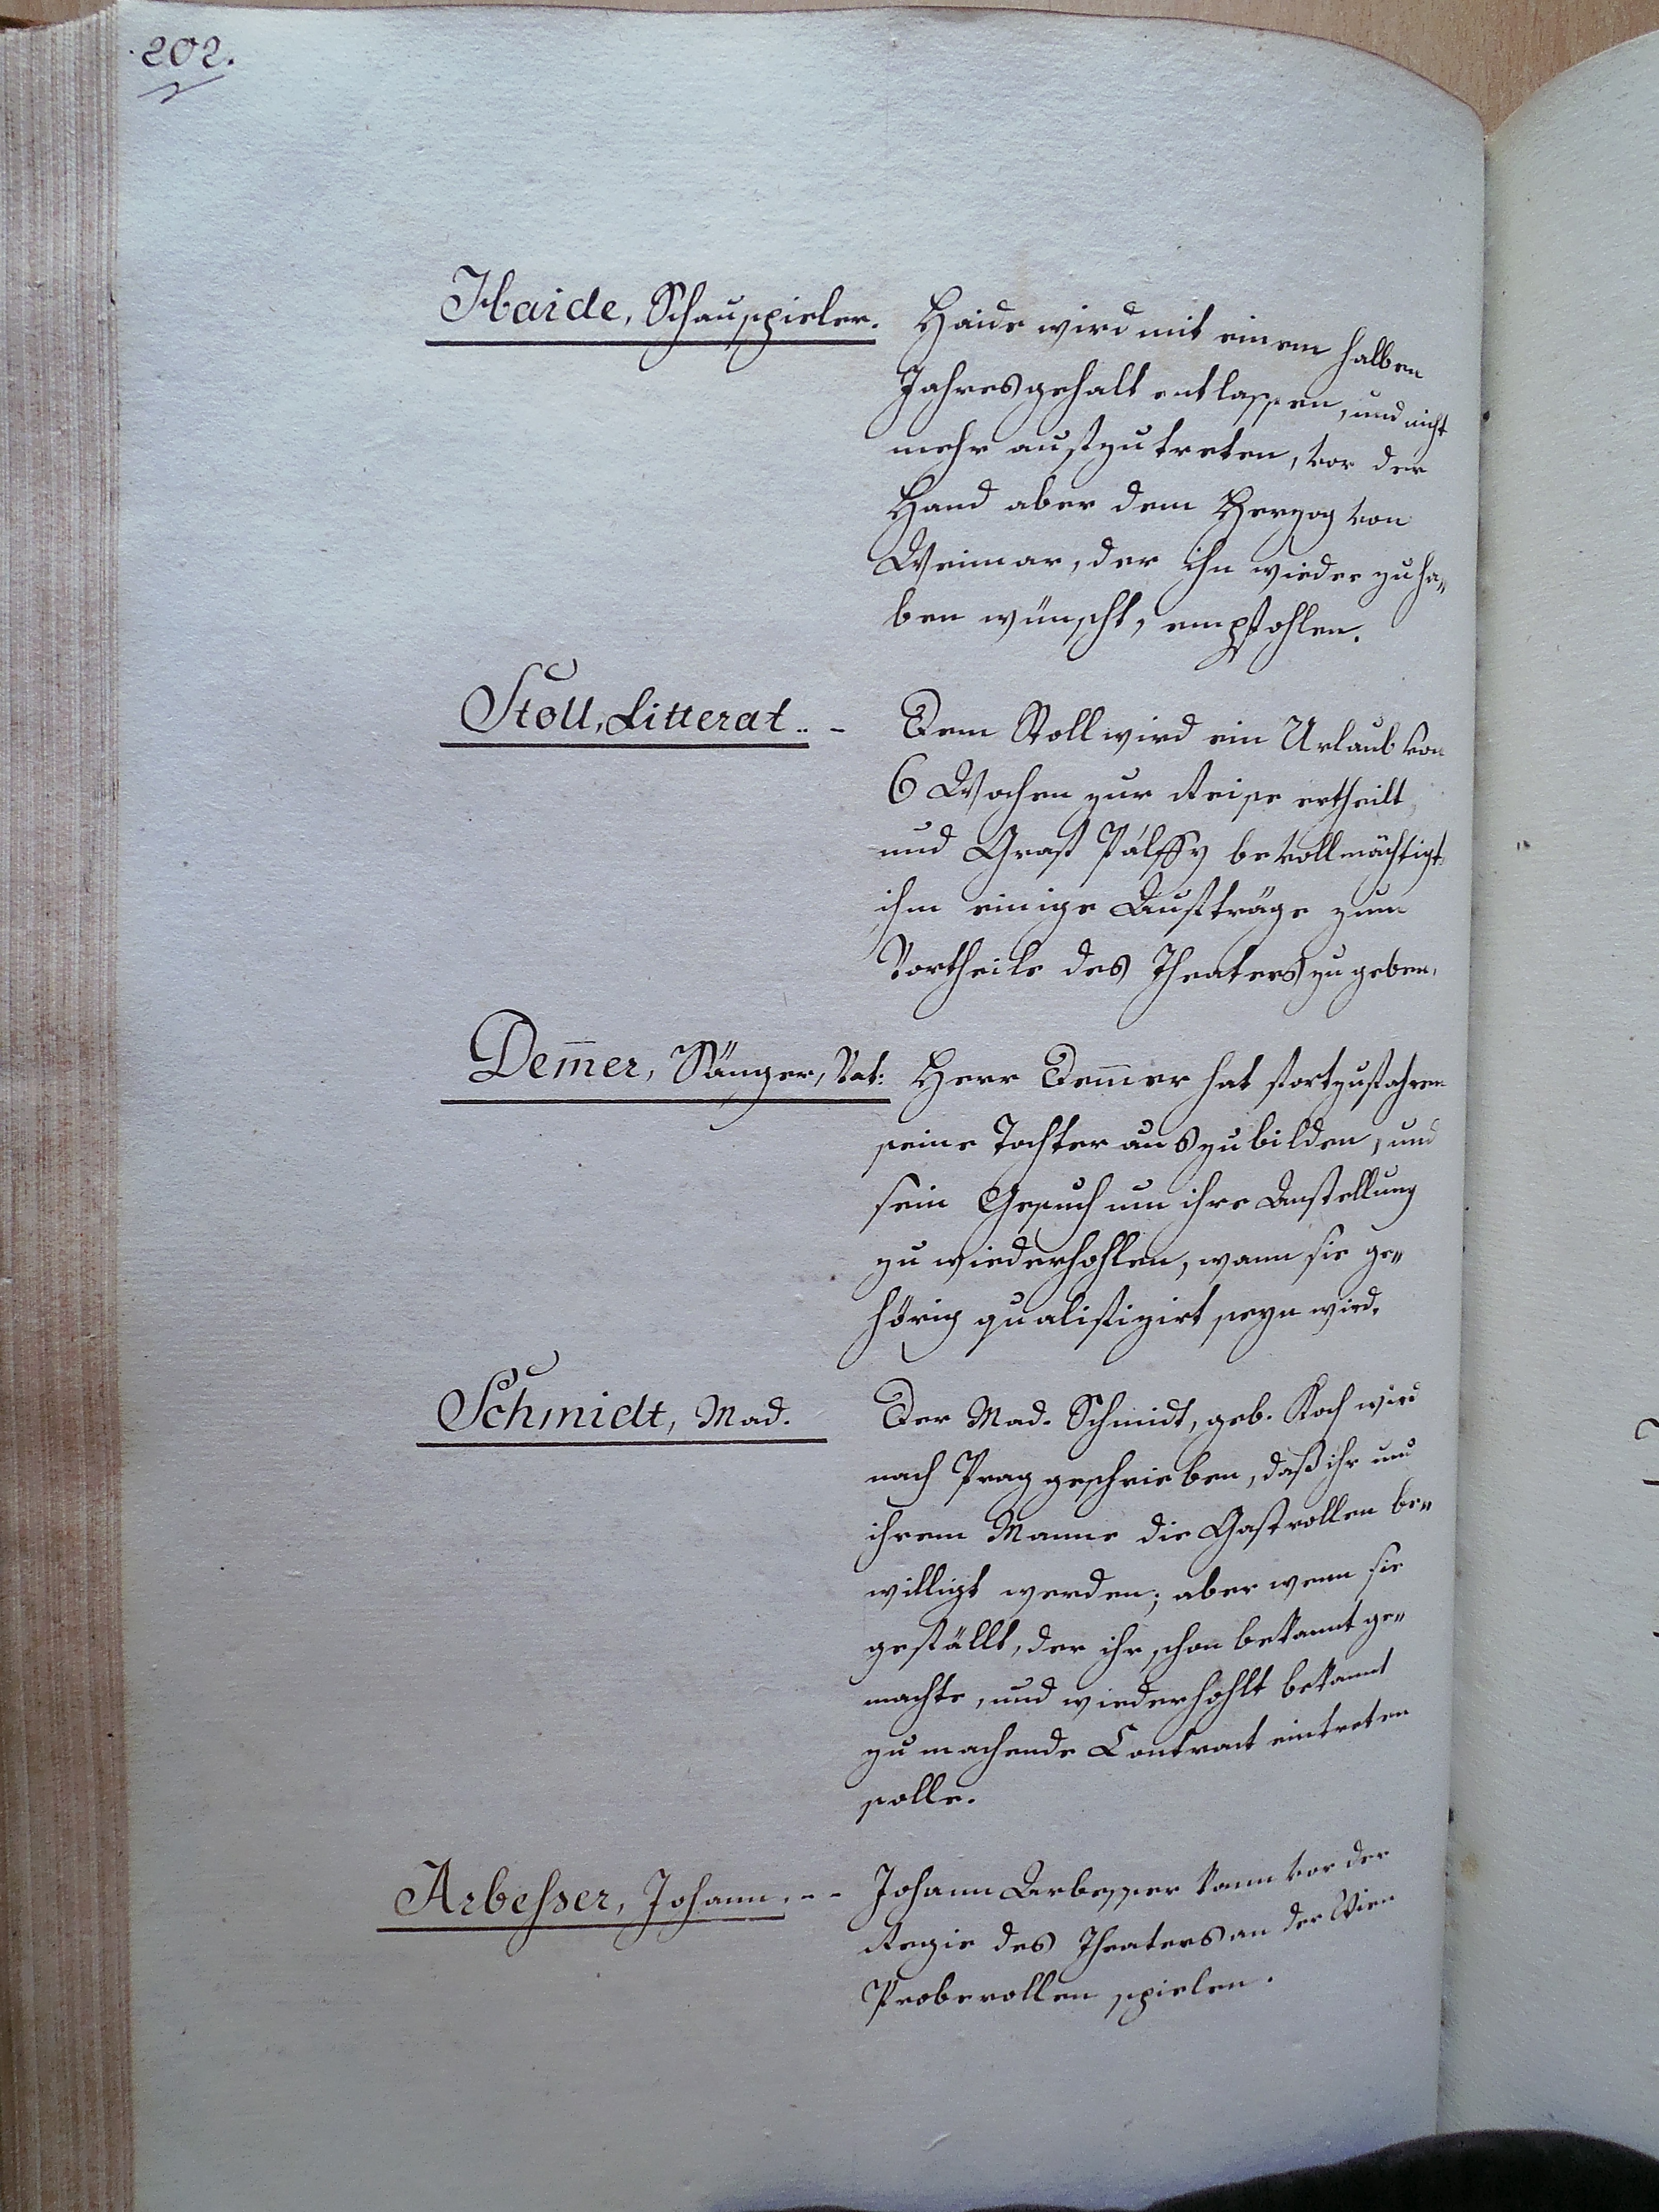202.
Haide, Schauspieler. Haide wird mit einem halben
Jahresgehalt entlassen, und nicht
mehr aufzutreten, vor der
Hand aber dem Herzog von
Weimar, der ihn wieder zu ha¬
ben wünscht, empfohlen.
Stoll, Litterat .. .. Dem Stoll wird ein Urlaub von
6 Wochen zur Reise ertheilt
und Graf Pálffy bevollmächtigt
ihm einige Aufträge zum
Vortheile des Theaters zu geben.
Dem̅er, Sänger, Vat: Herr Dem̅er hat fortzufahren
seine Tochter auszubilden, und
sein Gesuch um ihre Anstellung
zu wiederhohlen, wann sie ge¬
hörig qualifizirt, seyn wird.
Schmidt, Mad. Der Mad. Schmidt, geb. Koch wird
nach Prag geschrieben, daß ihr und
ihrem Manne die Gastrollen be¬
willigt werden, aber wenn sie
gefällt, der ihr schon bekannt ge¬
machte, und wiederhohlt bekannt
zu machende Contract eintreten
solle.
Arbesser, Johann. .. .. Johann Arbesser kann vor der
Regie des Theaters an der Wien
Proberollen spielen.